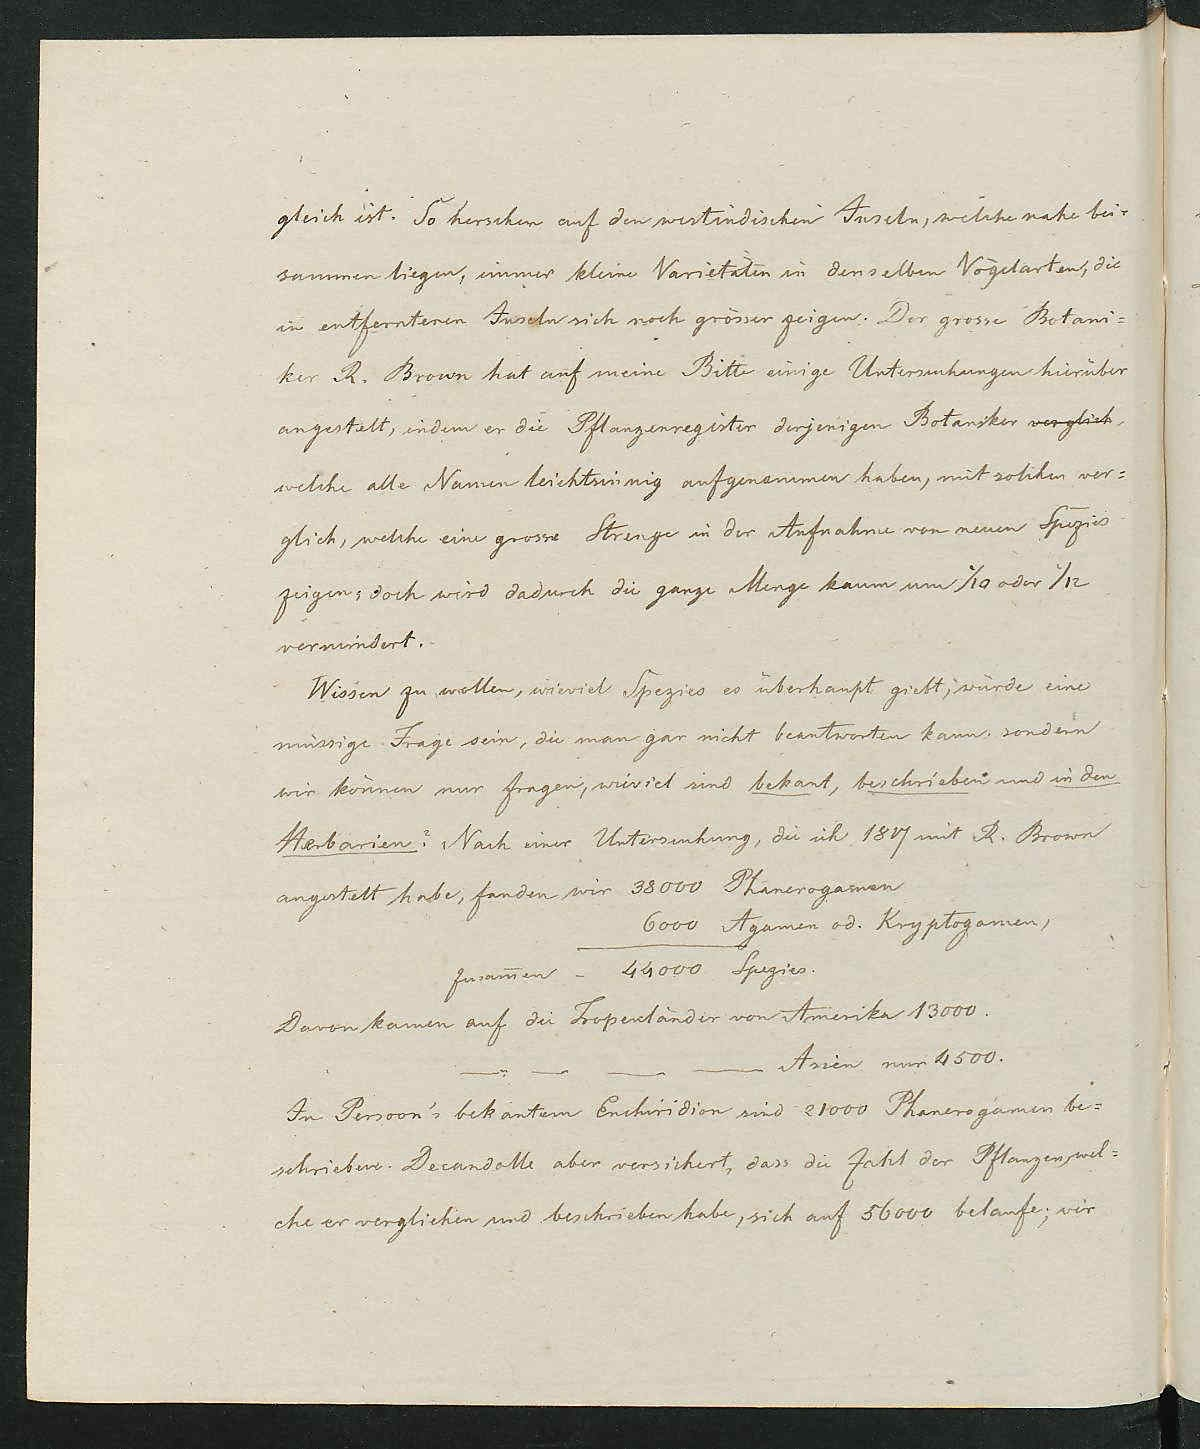gleich ist. So herschen auf den westindischen Inseln, welche nahe bei-
sammen liegen, immer kleine Varietäten in denselben Vögelarten, die
in entfernteren Inseln sich noch grösser zeigen. Der grosse Botani-
ker R. Brown hat auf meine Bitte einige Untersuchungen hierüber
angestelt, indem er die Pflanzenregister derjenigen Botaniker verglich,
welche alle Namen leichtsinnig aufgenommen haben, mit solchen ver-
glich, welche eine grosse Strenge in der Aufnahme von neuen Spezies
zeigen; doch wird dadurch die ganze Menge kaum um ⅒ oder 1
vermindert.
Wissen zu wollen, wieviel Spezies es überhaupt giebt, würde eine
müssige Frage sein, die man gar nicht beantworten kann, sondern
wir können nur fragen, wieviel sind bekant, beschrieben und in den
Herbarien? Nach einer Untersuchung, die ich 1807 mit R. Brown
angestelt habe, fanden wir 38000 Phanerogamen
6000 Agamen od. Kryptogamen,
zusam̃en – 44000 Spezies.
Davon kamen auf die Tropenländer von Amerika 13000.
― ― ― ― Asien nur 4500.
In Persoon's bekantem Enchiridion sind 21000 Phanerogamen be-
schrieben. Decandolle aber versichert, dass die Zahl der Pflanzen, wel-
che er verglichen und beschrieben habe, sich auf 56000 belaufe; wir